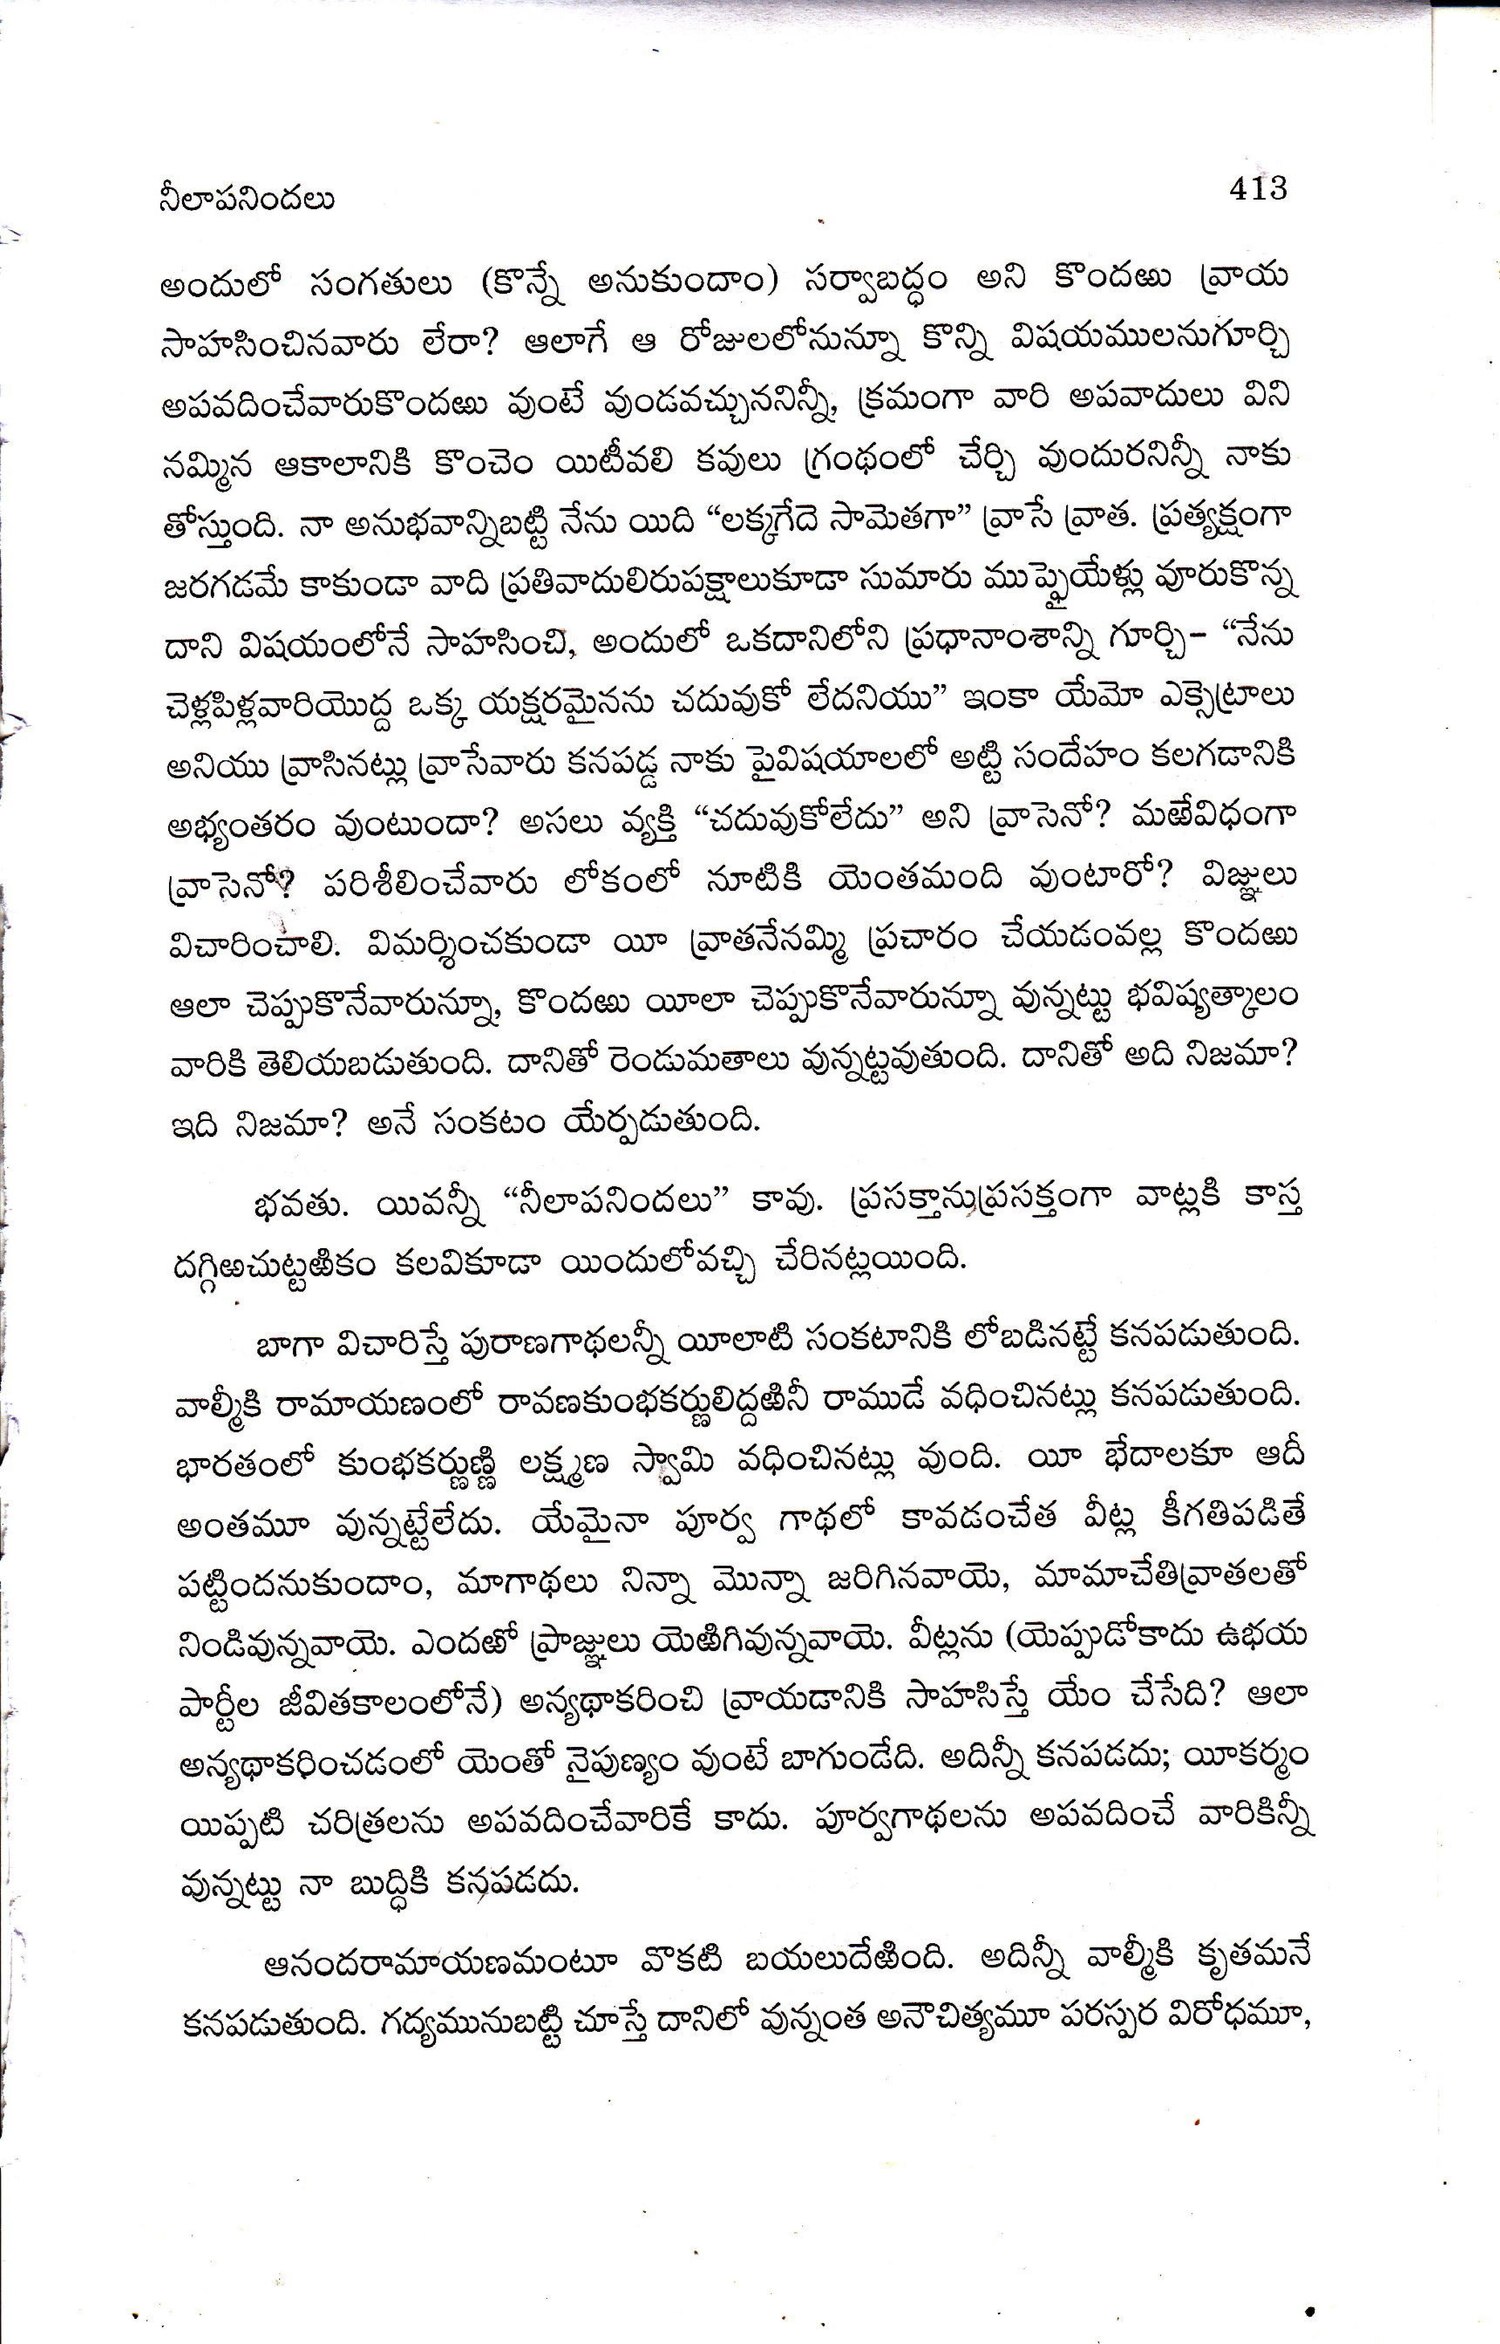అందులో సంగతులు (కొన్నే అనుకుందాం) సర్వాబద్ధం అని కొందఱు వ్రాయ సాహసించినవారు లేరా? ఆలాగే ఆ రోజులలోనున్నూ కొన్ని విషయములనుగూర్చి అపవదించేవారుకొందఱు వుంటే వుండవచ్చుననిన్నీ క్రమంగా వారి అపవాదులు విని నమ్మిన ఆకాలానికి కొంచెం యిటీవలి కవులు గ్రంథంలో చేర్చి వుందురనిన్నీ నాకు తోస్తుంది. నా అనుభవాన్నిబట్టి నేను యిది "లక్కగేదె సామెతగా వ్రాసే వ్రాత. ప్రత్యక్షంగా జరగడమే కాకుండా వాది ప్రతివాదులిరుపక్షాలుకూడా సుమారు ముప్పైయేళ్లు వూరుకొన్న దాని విషయంలోనే సాహసించి, అందులో ఒకదానిలోని ప్రధానాంశాన్ని గూర్చి- "నేను చెళ్లపిళ్లవారియొద్ద ఒక్క యక్షరమైనను చదువుకో లేదనియు” ఇంకా యేమో ఎక్సెట్రాలు అనియు వ్రాసినట్లు వ్రాసేవారు కనపడ్డ నాకు పైవిషయాలలో అట్టి సందేహం కలగడానికి అభ్యంతరం వుంటుందా? అసలు వ్యక్తి "చదువుకోలేదు" అని వ్రాసెనో? మఱేవిధంగా వ్రాసెనో? పరిశీలించేవారు లోకంలో నూటికి యెంతమంది వుంటారో? విజ్ఞులు విచారించాలి. విమర్శించకుండా యీ వ్రాతనేనమ్మి ప్రచారం చేయడంవల్ల కొందఱు ఆలా చెప్పకొనేవారున్నూ, కొందఱు యూలా చెప్పకొనేవారున్నూ వున్నట్టు భవిష్యత్కాలం వారికి తెలియబడుతుంది. దానితో రెండుమతాలు వున్నట్టవుతుంది. దానితో అది నిజమా? ఇది నిజమా? అనే సంకటం యేర్పడుతుంది.

భవతు. యివన్నీ “నీలాపనిందలు" కావు. ప్రసక్తానుప్రసక్తంగా వాట్లకి కాస్త దగ్గిఱచుట్టఱికం కలవికూడా యిందులో వచ్చి చేరినట్లయింది.

బాగా విచారిస్తే పురాణగాథలన్నీ యీలాటి సంకటానికి లోబడినట్టే కనపడుతుంది. వాల్మీకి రామాయణంలో రావణకుంభకర్ణులిద్దఱినీ రాముడే వధించినట్లు కనపడుతుంది. భారతంలో కుంభకర్ణుణ్ణి లక్ష్మణ స్వామి వధించినట్లు వుంది. యీ భేదాలకూ ఆదీ అంతమూ వున్నట్టేలేదు. యేమైనా పూర్వ గాథలో కావడంచేత వీట్ల కీగతిపడితే పట్టిందనుకుందాం, మాగాథలు నిన్నా మొన్నా జరిగినవాయె, మామాచేతివ్రాతలతో నిండివున్నవాయె. ఎందఱో ప్రాజ్ఞులు యెఱిగివున్నవాయె. వీట్లను (యెప్పుడోకాదు ఉభయ పార్టీల జీవితకాలంలోనే) అన్యథాకరించి వ్రాయడానికి సాహసిస్తే యేం చేసేది? ఆలా అన్యథాకరించడంలో యెంతో నైపుణ్యం వుంటే బాగుండేది. అదిన్నీ కనపడదు; యీకర్మం యిప్పటి చరిత్రలను అపవదించేవారికే కాదు. పూర్వగాథలను అపవదించే వారికిన్నీ వున్నట్టు నా బుద్ధికి కనపడదు.

ఆనందరామాయణమంటూ వొకటి బయలుదేఱింది. అదిన్నీ వాల్మీకి కృతమనే కనపడుతుంది. గద్యమునుబట్టి చూస్తే దానిలో వున్నంత అనౌచిత్యమూ పరస్పర విరోధమూ,